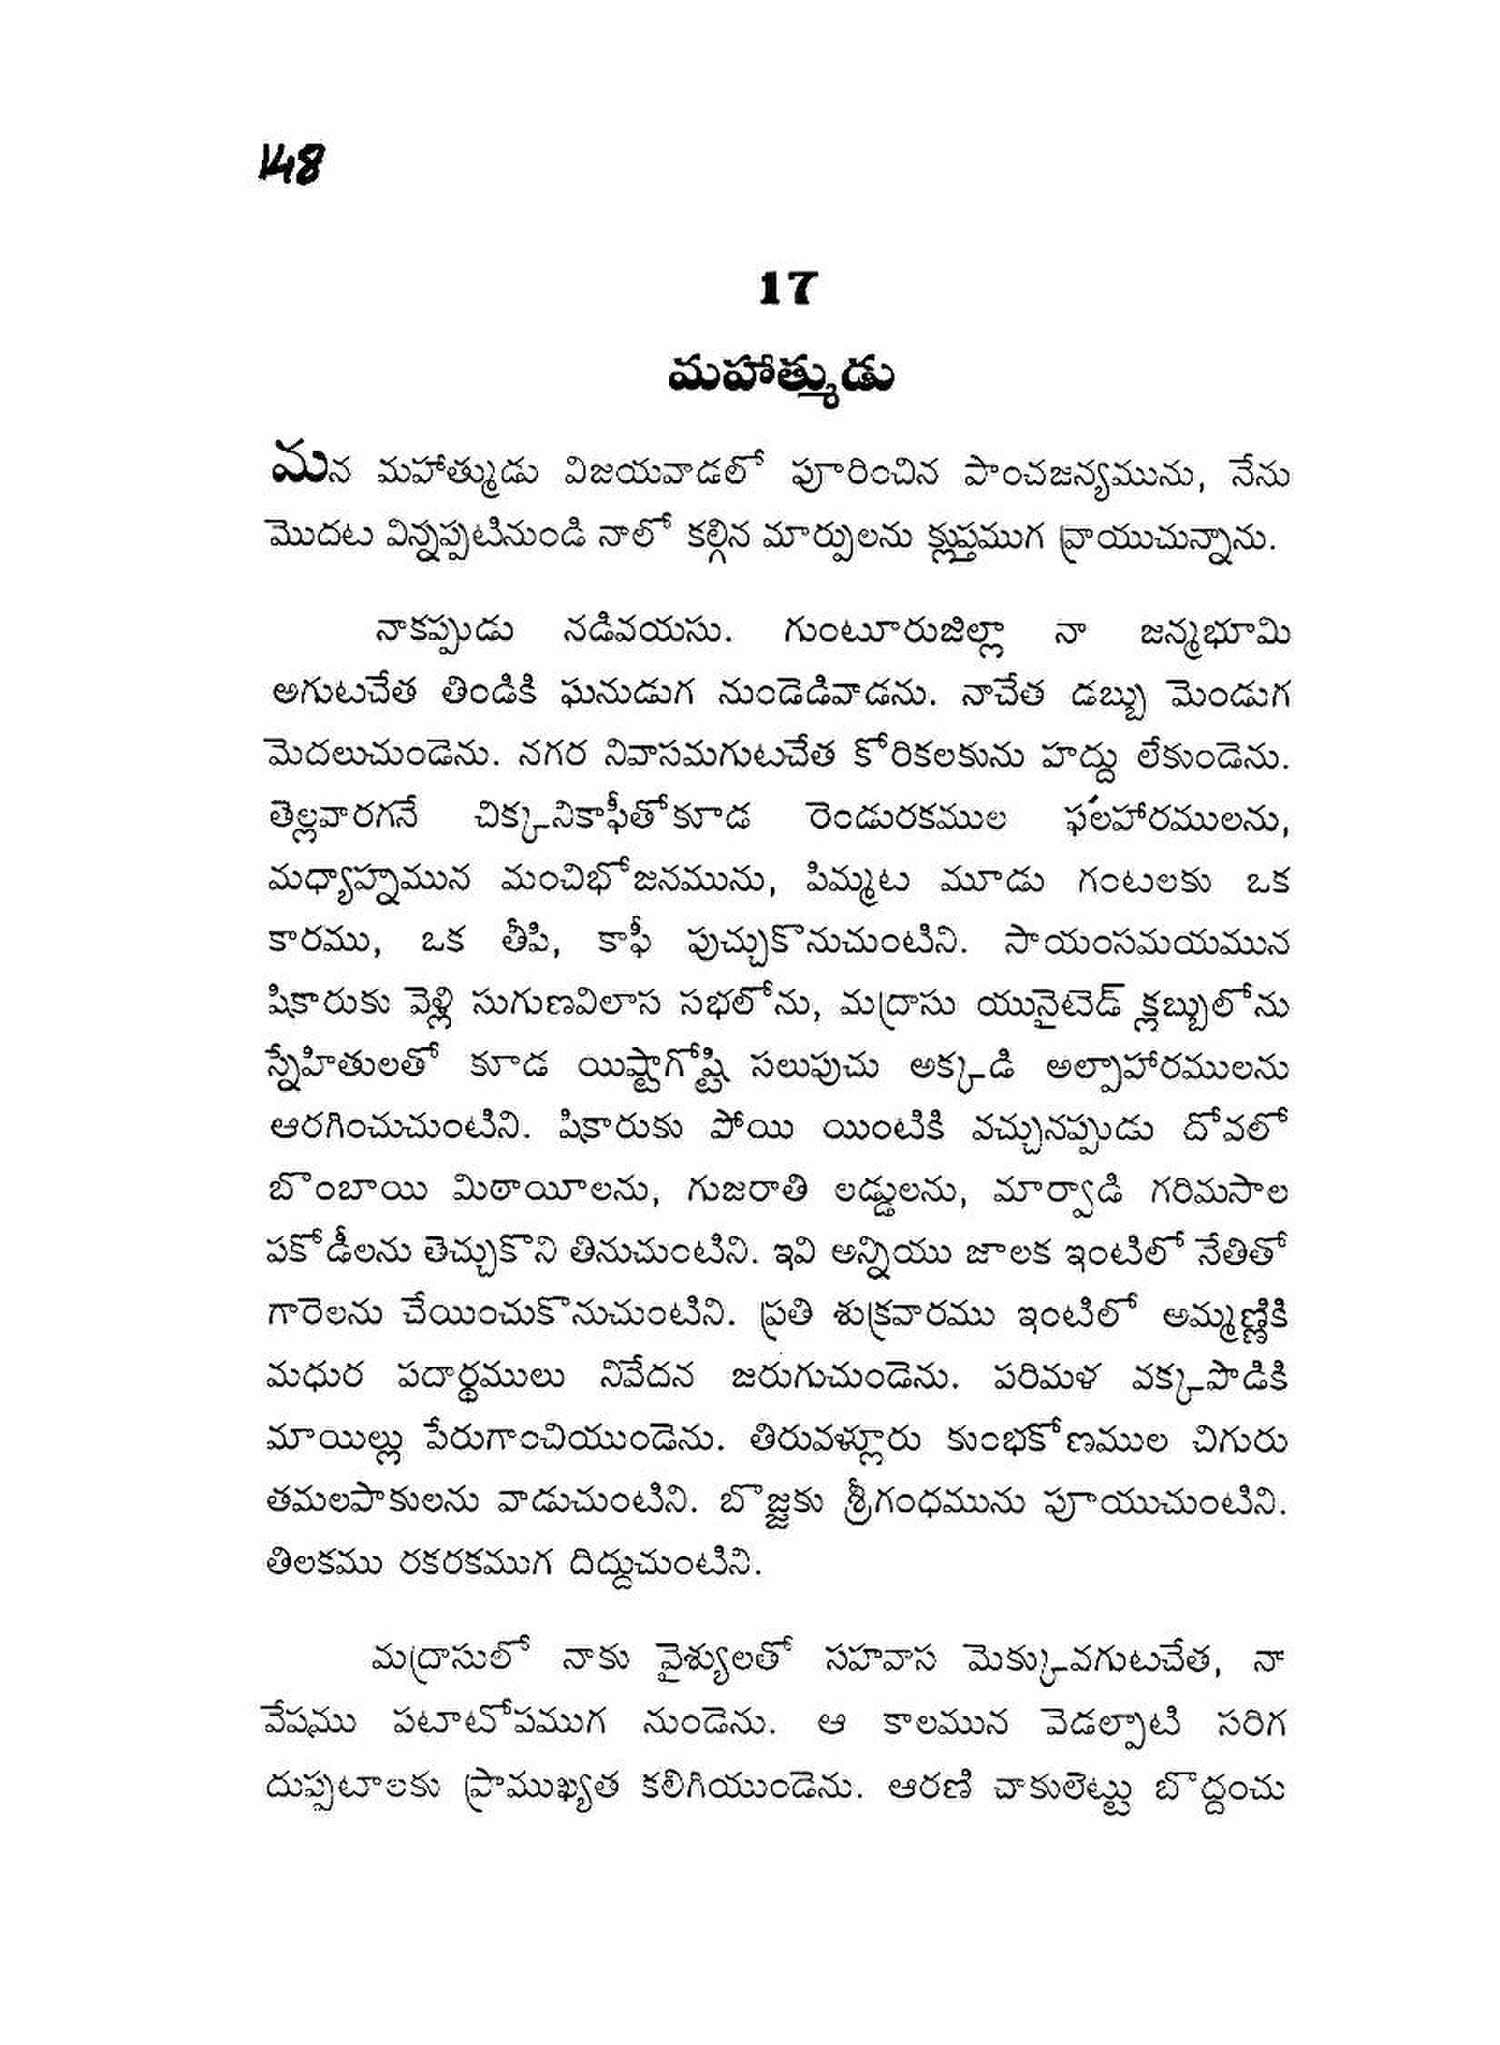మన మహాత్ముడు విజయవాడలో పూరించిన పాంచజన్యమును, నేను మొదట విన్నప్పటినుండి నాలో కల్గిన మార్పులను క్లుప్తముగ వ్రాయుచున్నాను.

నాకప్పడు నడివయసు. గుంటూరుజిల్లా నా జన్మభూమి అగుటచేత తిండికి ఘనుడుగ నుండెడివాడను. నాచేత డబ్బు మెండుగ మెదలుచుండెను. నగర నివాసమగుటచేత కోరికలకును హద్దు లేకుండెను. తెల్లవారగనే చిక్కనికాఫీతో కూడ రెండురకముల ఫలహారములను, మధ్యాహ్నమున మంచిభోజనమును, పిమ్మట మూడు గంటలకు ఒక కారము, ఒక తీపి, కాఫీ పుచ్చుకొనుచుంటిని. సాయంసమయమున పికారుకు వెళ్లి సుగుణవిలాస సభలోను, మద్రాసు యునైటెడ్ క్లబ్బులోను స్నేహితులతో కూడ యిష్టాగోష్టి సలుపుచు అక్కడి అల్పాహారములను ఆరగించుచుంటిని. పికారుకు పోయి యింటికి వచ్చునపుడు దోవలో బొంబాయి మిఠాయిూలను, గుజరాతి లడ్డులను, మార్వాడి గరిమసాల పకోడీలను తెచ్చుకొని తినుచుంటిని. ఇవి అన్నియు జాలక ఇంటిలో నేతితో గారెలను చేయించుకొనుచుంటిని. ప్రతి శుక్రవారము ఇంటిలో అమ్మణ్ణికి మధుర పదార్ధములు నివేదన జరుగుచుండెను. పరిమళ వక్కపొడికి మాయిల్లు పేరుగాంచియుండెను. తిరువళ్ళూరు కుంభకోణముల చిగురు తమలపాకులను వాడుచుంటిని, బొజ్జకు శ్రీగంధమును పూయుచుంటిని. తిలకము రకరకముగ దిద్దుచుంటిని.

మద్రాసులో నాకు వైశ్యులతో సహవాస మొక్కువగుటచేత, నా వేషము పటాటోపముగ నుండెను. ఆ కాలమున వెడల్పాటి సరిగ దుప్పటాలకు ప్రాముఖ్యత కలిగియుండెను. ఆరణి చాకులెట్టు బొద్దంచు